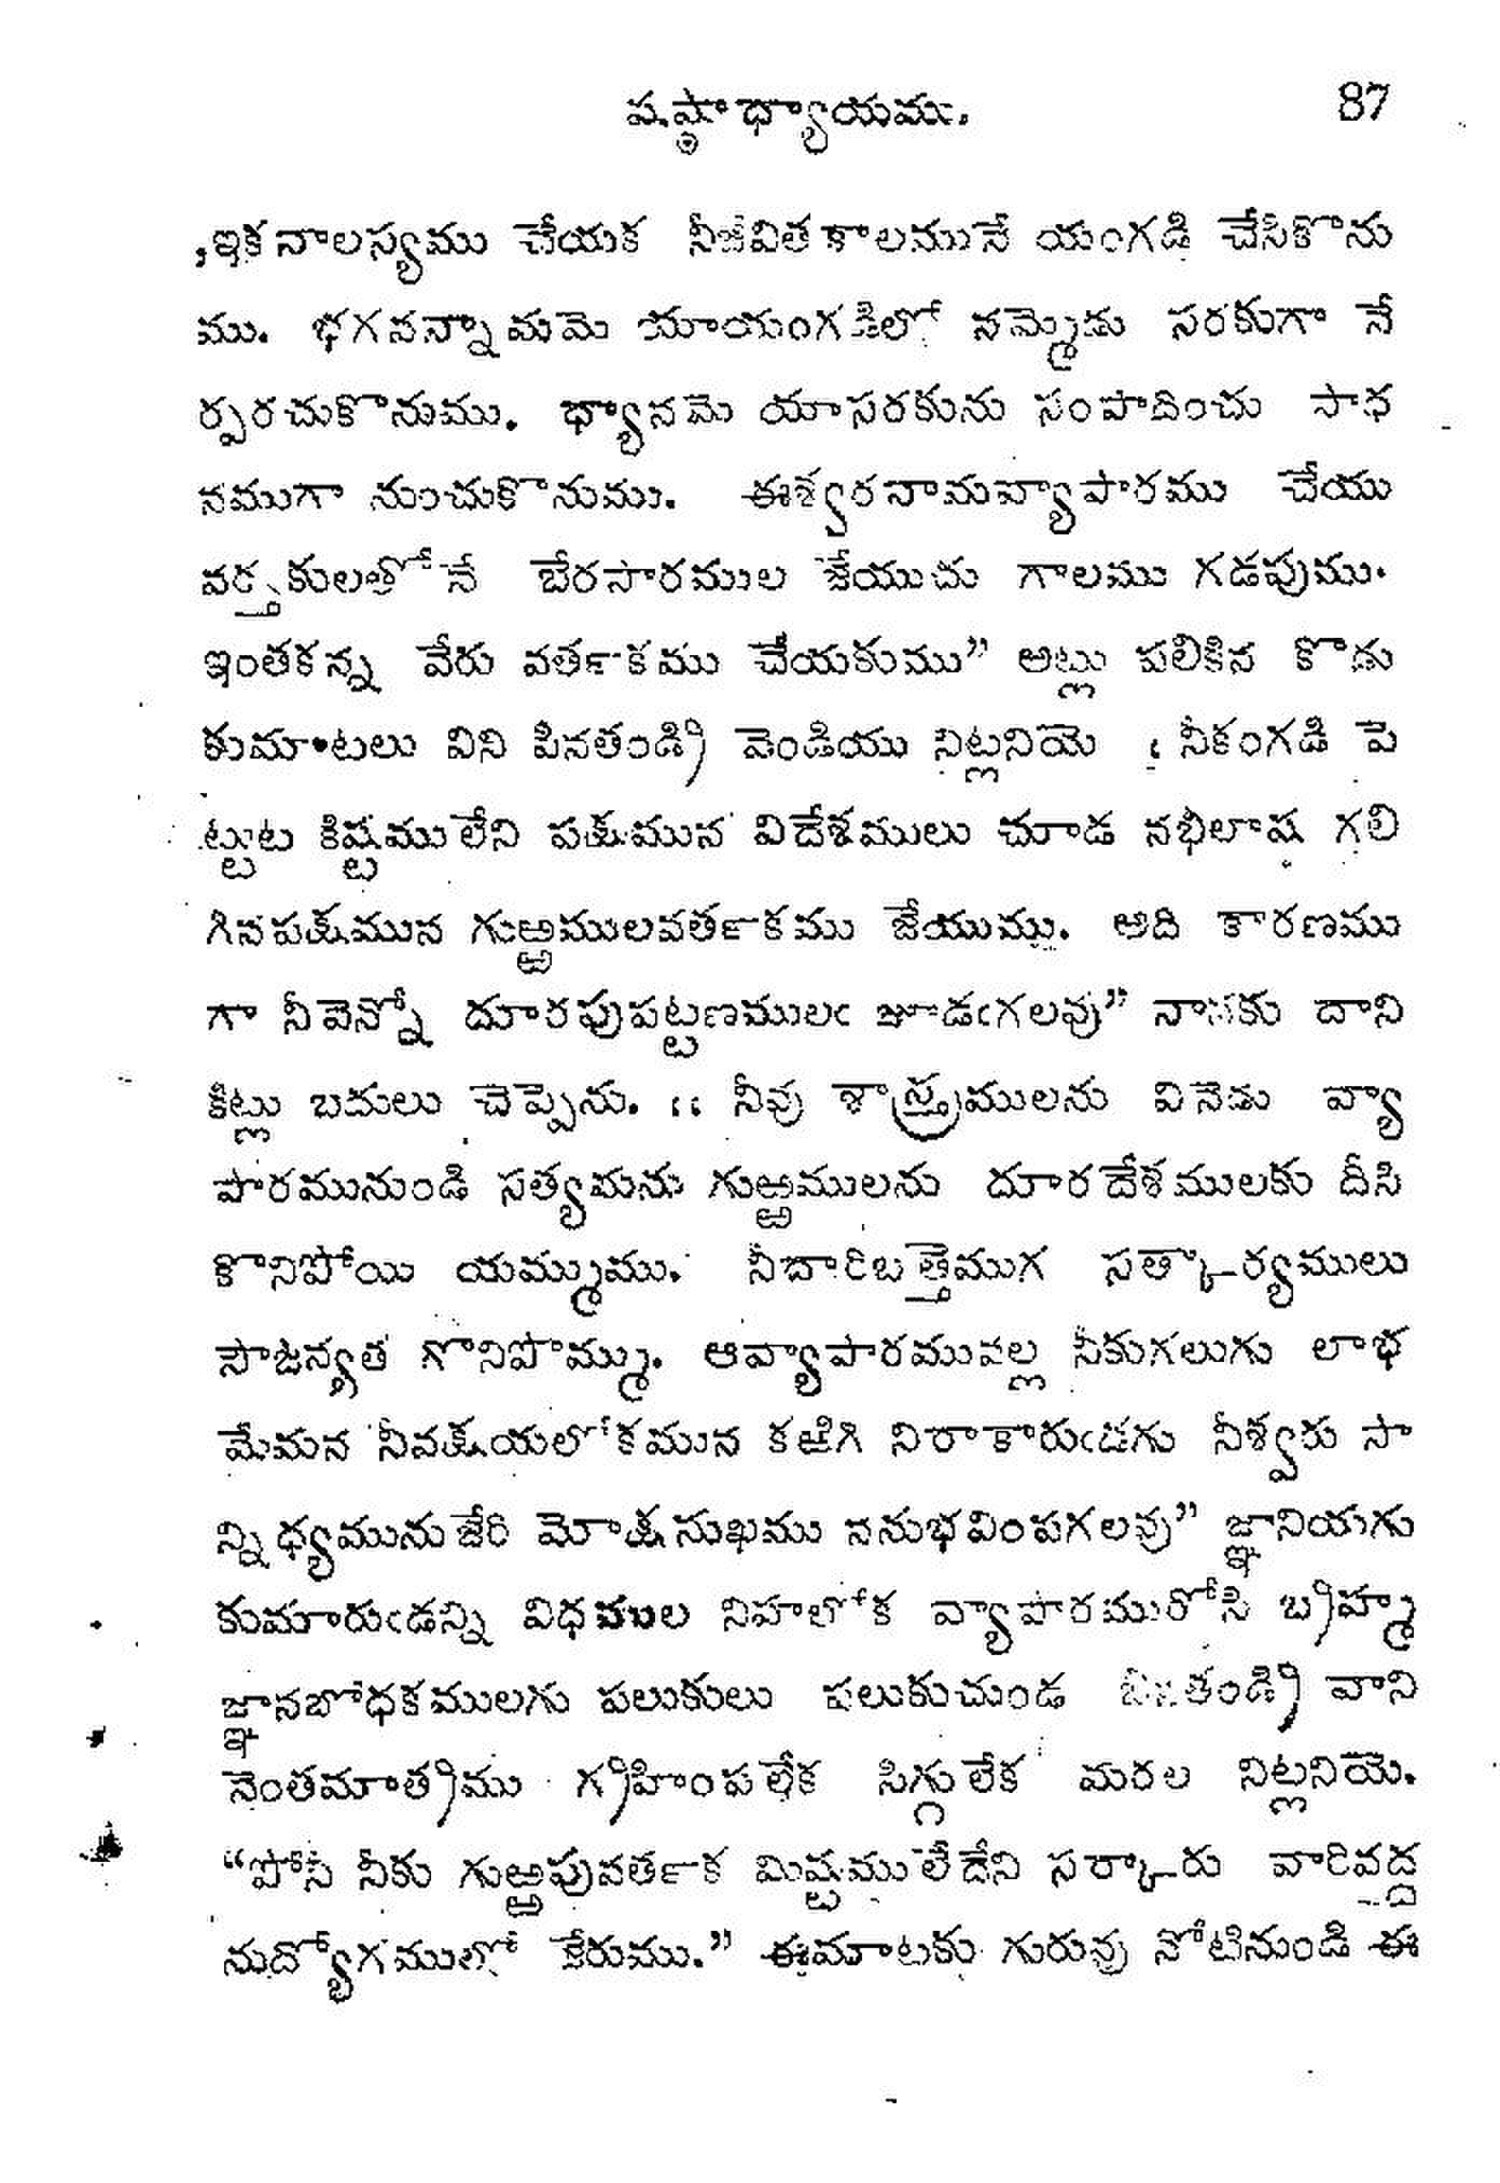ఇకనాలస్యము చేయక నీజీవితకాలమునే యంగడి చేసికొనుము. భగవన్నామమె యాయంగడిలో నమ్మెడు సరకుగా నేర్పరచుకొనుము. ధ్యానమె యాసరకును సంపాదించు సాధనముగ నుంచుకొనుము. ఈశ్వరనామవ్యాపారము చేయు వర్తకులతోనే బేరసారముల జేయుచు గాలము గడపుము. ఇంతకన్న వేరు వతన్‌కము చేయకుము" అట్లు పలికిన కొడుకుమాటలు విని పినతండ్రి వెండియు నిట్లనియె "నీకంగడి పెట్టుట కిష్టములేని పక్షమున విదేశములు చూడ నభిలాష గలిగినపక్షమున గుఱ్ఱములవతన్‌కము జేయుము. అది కారణముగా నీవెన్నో దూరపుపట్టణముల జూడగలవు" నానకు దానికిట్లు బదులు చెప్పెను. "నీవు శాస్త్రములను వినెడు వ్యాపారమునుండి సత్యమను గుఱ్ఱములను దూరదేశములకు దీసికొనిపోయి యమ్ముము. నీదారిబత్తెముగ సత్కార్యములు సౌజన్యత గొనిపొమ్ము. ఆవ్యాపారమువల్ల నీకుగలుగు లాభమేమన నీవక్షయలోకమున కఱిగి నిరాకారుడగు నీశ్వరు సాన్నిధ్యమునుజేరి మోక్షసుఖము ననుభవింపగలవు" జ్ఞానియగు కుమారుడన్ని విధముల నిహలోక వ్యాపారమురోసి బ్రహ్మజ్ఞానబోధకములగు పలుకులు పలుకుచుండ పినతండ్రి వాని నెంతమాత్రము గ్రహింపలేక సిగ్గులేక మరల నిట్లనియె. "పోనీ నీకు గుఱ్ఱపువతన్‌క మిష్టములేదేని సర్కారు వారివద్దనుద్యోగములో జేరుము." ఈమాటకు గురువు నోటినుండి ఈ